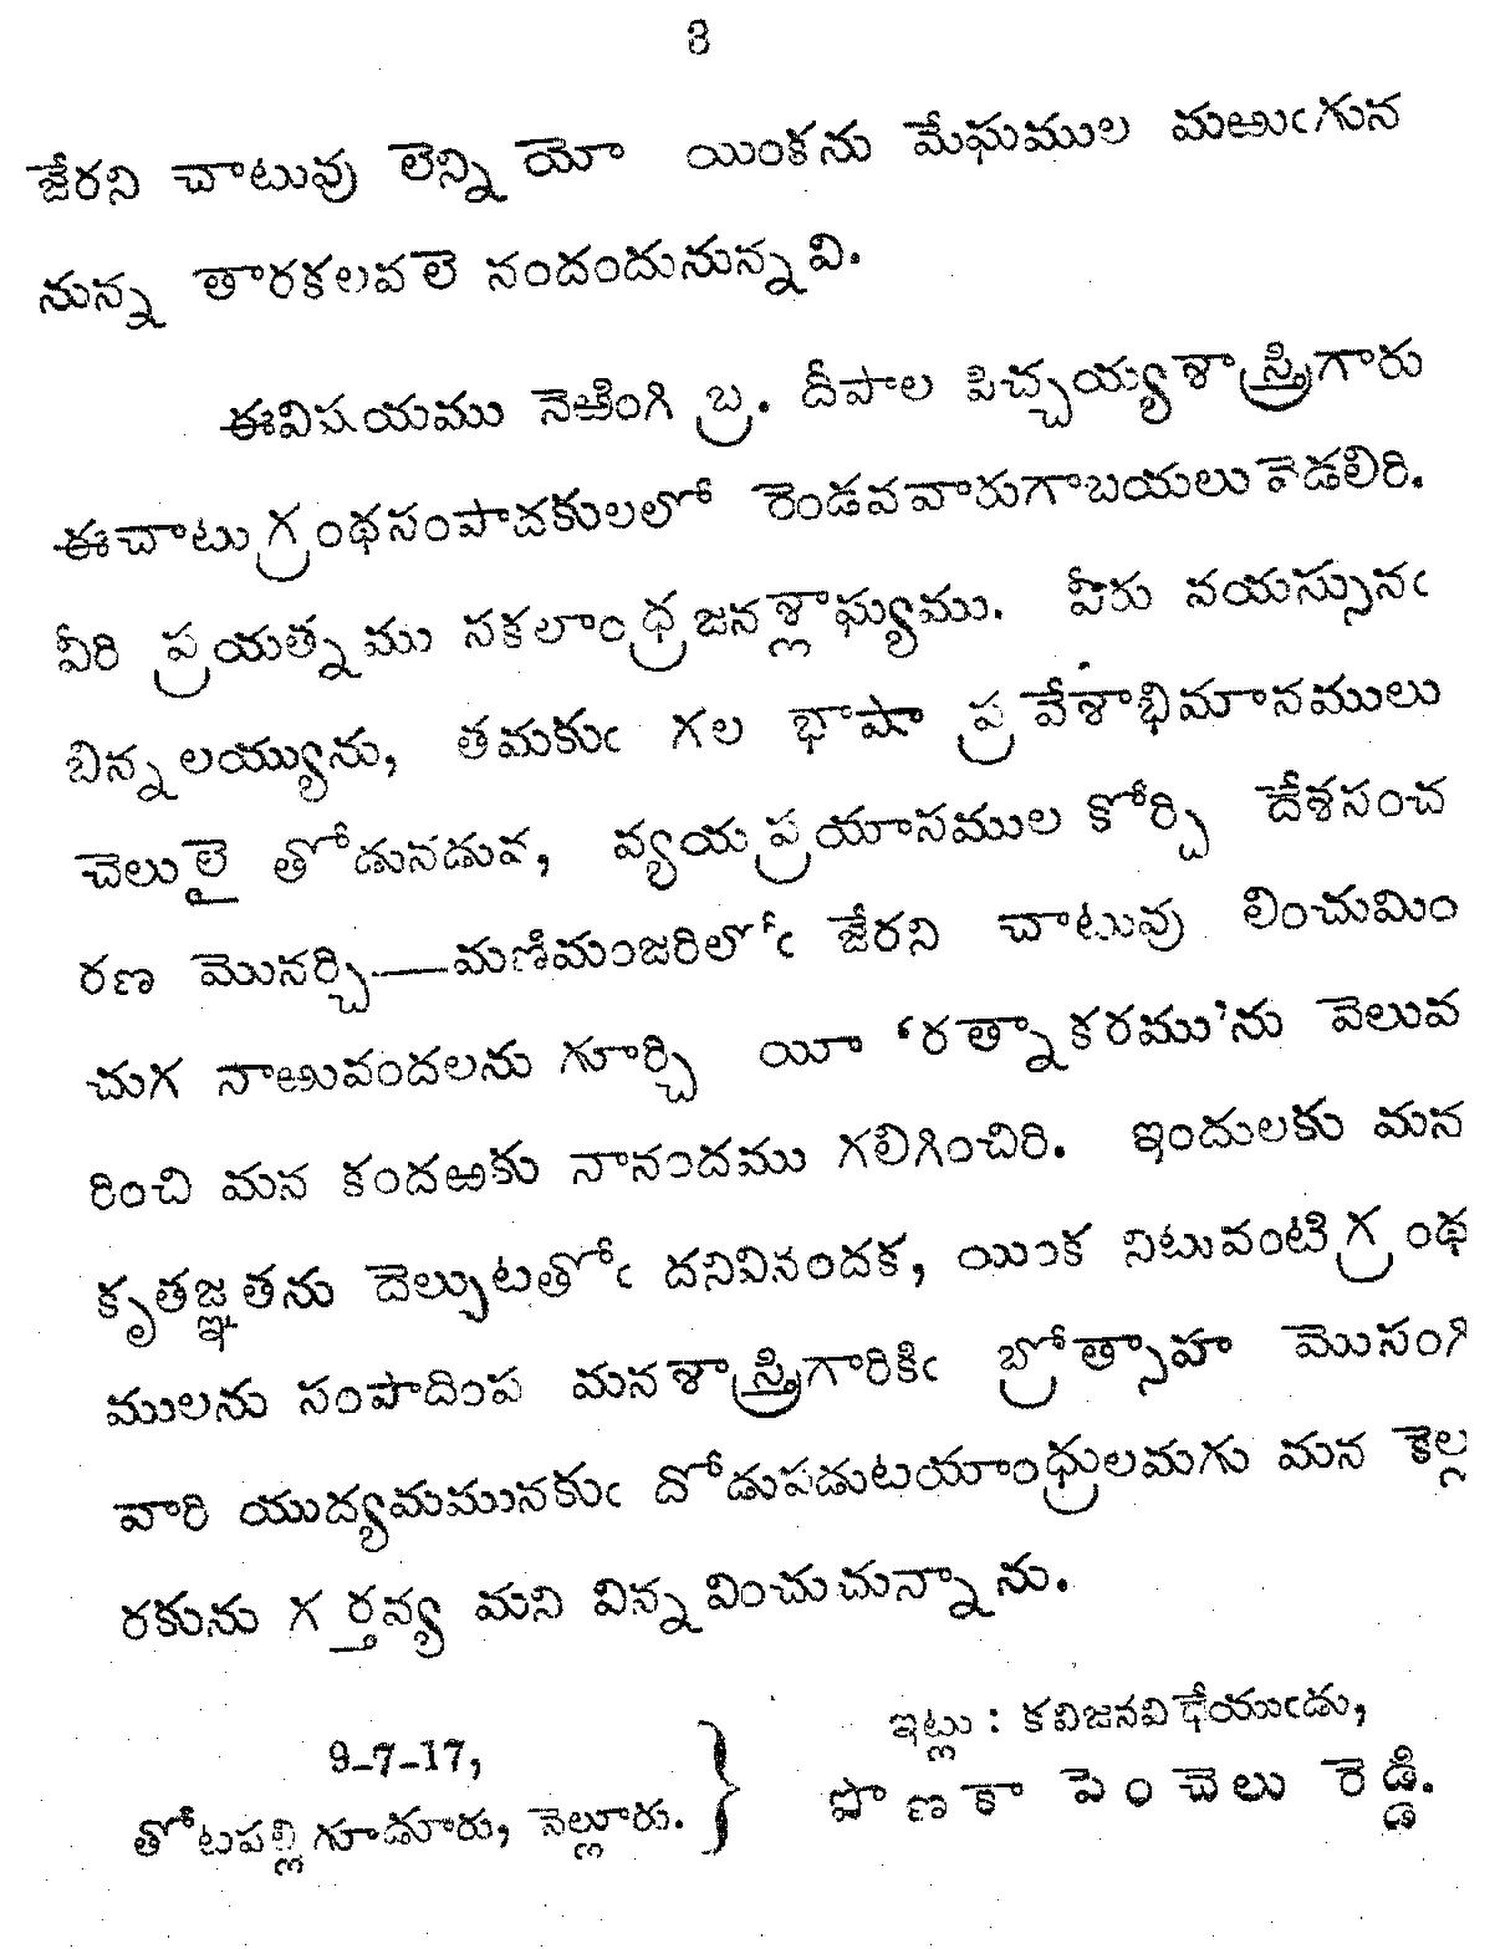జేరని చాటువు లెన్నియో యింకను మేఘముల మఱుఁగున నున్న తారకలవలె నందందునున్నవి.

ఈవిషయము నెఱింగి బ్ర. దీపాల పిచ్చయ్యశాస్త్రిగారు ఈ చాటుగ్రంథసంపాదకులలో రెండవవారుగా బయలువెడలిరి. వీరి ప్రయత్నము సకలాంధ్రజనశ్లాఘ్యము. వీరు వయస్సునఁ బిన్నలయ్యును, తమకుఁ గల భాషాప్రవేశాభిమానములు చెలులై తోడునడువ, వ్యయప్రయాసముల కోర్చి దేశసంచరణ మొనర్చి— మణిమంజరిలోఁ జేరని చాటువు లించుమించుగ నాఱువందలను గూర్చి యీ 'రత్నాకరము 'ను వెలువరించి మన కందఱకు నానందము గలిగించిరి. ఇందులకు మన కృతజ్ఞతను దెల్పుటతో దనివినందక, యింక నిటువంటిగ్రంథములను సంపాదింప మనశాస్త్రిగారికిఁ బ్రోత్సాహ మొసంగి వారి యుద్యమమునకు దోడుపడుట యాంధ్రులమగు మన కెల్ల రకును గర్తవ్య మని విన్నవించుచున్నాను.

9-7-17,
తోటపల్లిగూడూరు, నెల్లూరు